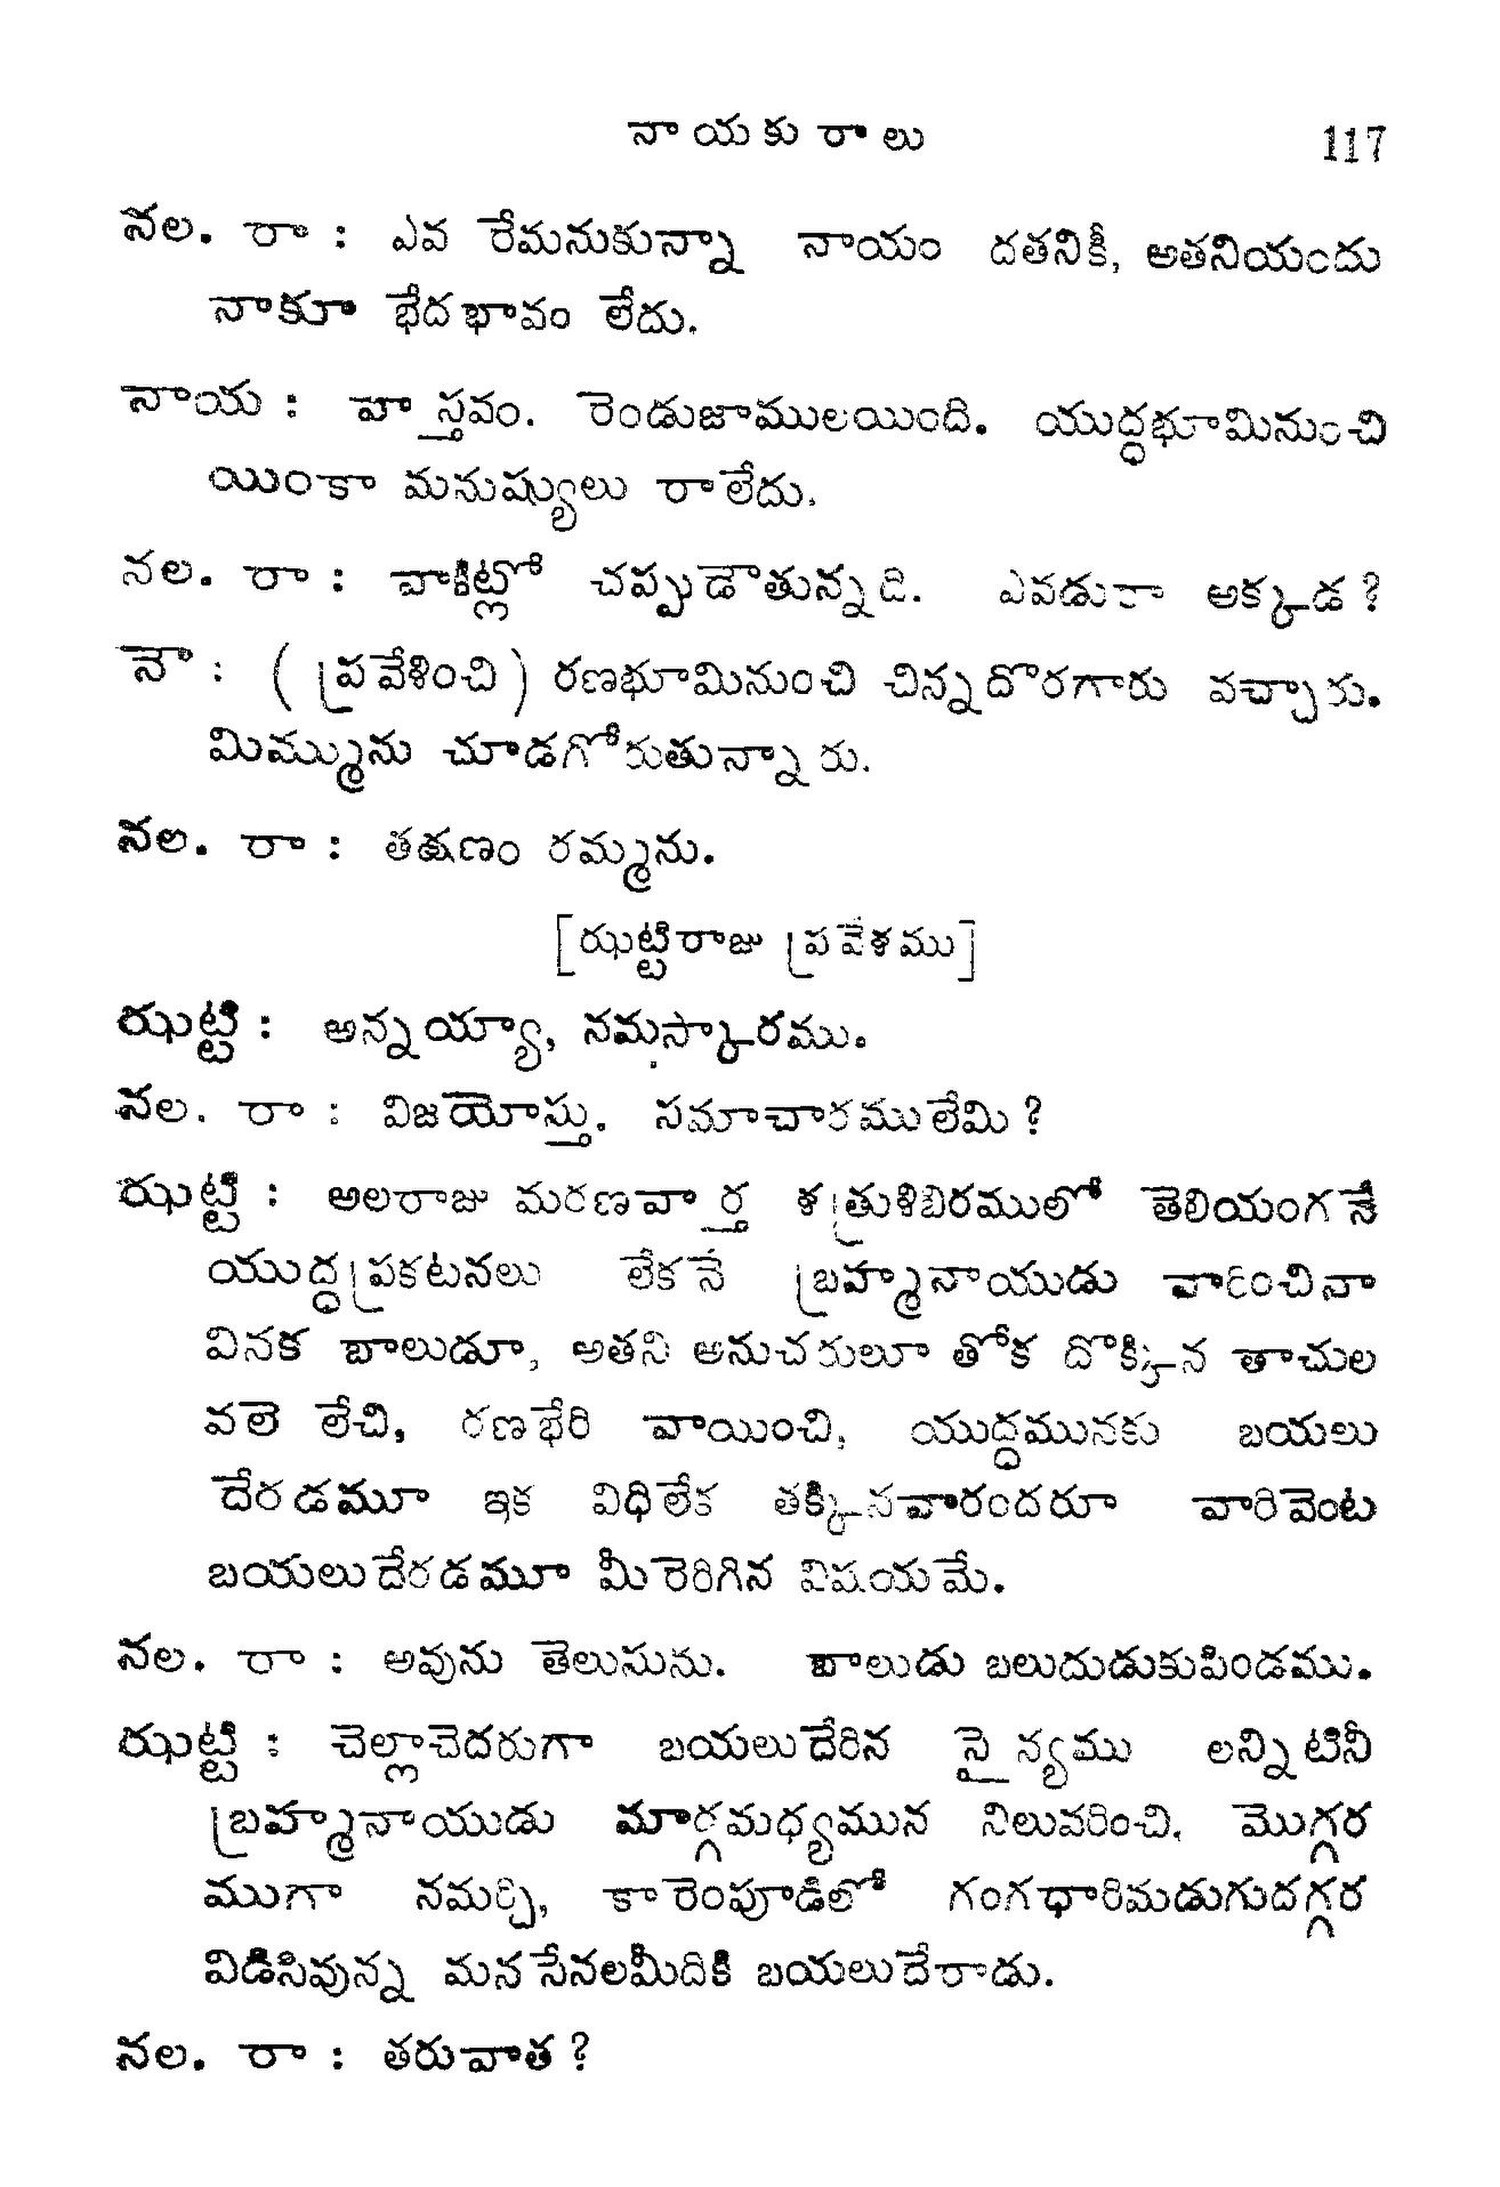నల. రా : ఎవ రేమనుకున్నా నాయం దతనికీ, అతనియందు నాకూ భేదభావం లేదు.

నాయ : వాస్తవం. రెండుజాములయింది. యుద్ధభూమినుంచి యింకా మనుష్యులు రాలేదు.

నల. రా : వాకిట్లో చప్పుడౌతున్నది. ఎవడురా అక్కడ ?

నౌ : ( ప్రవేశించి) రణభూమినుంచి చిన్నదొరగారు వచ్చారు. మిమ్మును చూడగోరుతున్నారు.

నల. రా : తక్షణం రమ్మను.

ఝట్టి : అన్నయ్యా, నమస్కారము.

నల. రా : విజయోస్తు. సమాచారము లేమి ?

ఝట్టి : అలరాజు మరణవార్త శత్రుశిబిరములో తెలియంగనే యుద్ధప్రకటనలు లేకనే బ్రహ్మనాయుడు వారించినా వినక బాలుడూ, అతని అనుచరులూ తోక దొక్కిన తాచులవలె లేచి, రణభేరి వాయించి, యుద్ధమునకు బయలు దేరడమూ ఇక విధిలేక తక్కినవారందరూ వారివెంట బయలుదేరడమూ మీరెరిగిన విషయమే.

నల. రా : అవును తెలుసును. బాలుడు బలుదుడుకుపిండము.

ఝట్టి : చెల్లాచెదరుగా బయలుదేరిన సైన్యము లన్నిటినీ బ్రహ్మనాయుడు మార్గమధ్యమున నిలువరించి, మొగ్గరముగా నమర్చి, కారెంపూడిలో గంగధారిమడుగుదగ్గర విడిసివున్న మనసేనలమీదికి బయలుదేరాడు.

నల. రా: తరువాత?
వారి వెంట